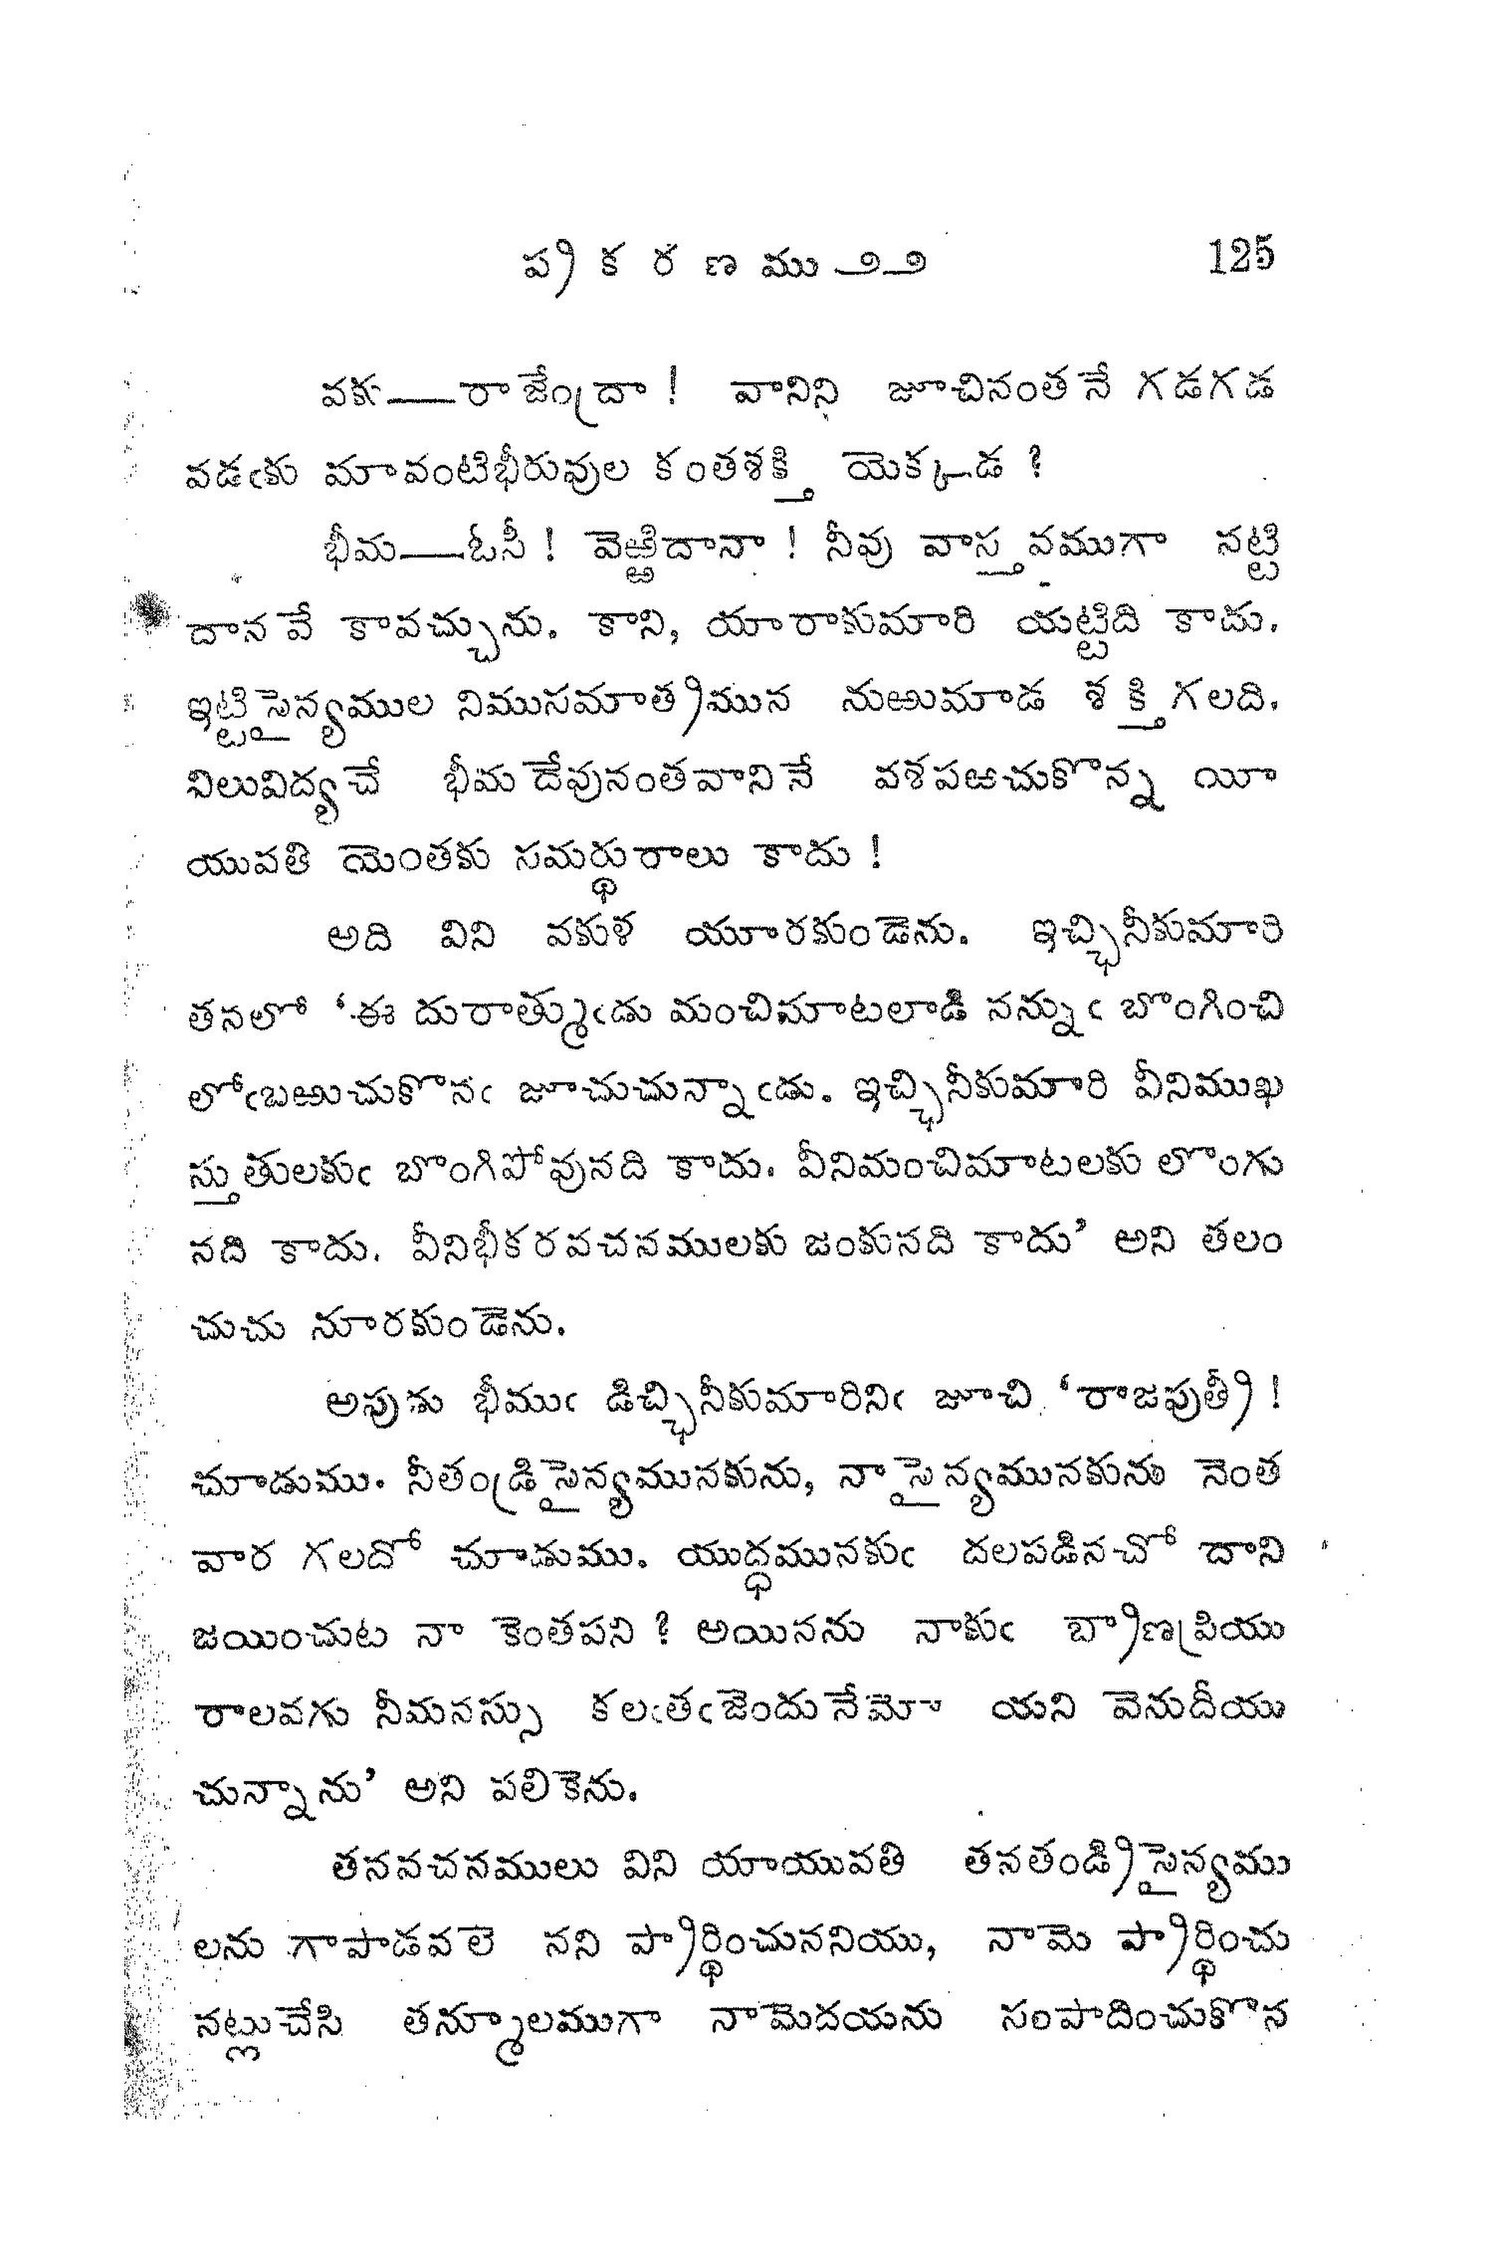వకు: - రాజేంద్రా ! వానిని జూచినంతనే గడగడ వడకు మావంటి భీరువుల కంతశక్తి యెక్కడ ?

భీమ:: ఓసీ ! వెట్టి దానా ! నీవు వాస్త వముగా నట్టి 'దానవే కావచ్చును. కాని, యా రాకుమారి యట్టిది కాదు. ఇట్టి సైన్యముల నిముసమాత్రమున నుఱుమాడ శక్తి గలది. విలువిద్య చే భీమ దేవునంత వాని నే వశపఱచుకొన్న యీ యువతి యెంతకు సమర్థురాలు కాదు !

అది విని వకుళ యూరకుండెను. ఇచ్ఛినీకునూరి తనలో ' ఈ దురాత్ముఁడు మంచిచూటలాడి నన్నుఁ బొంగించి లో బఱుచుకొనఁ జూచుచున్నాఁడు. ఇచ్ఛినీకుమారి వీనిముఖ స్తుతులకుఁ బొంగిపోవునది కాదు. వీనిమంచి మాటలకు లొంగు నది కాదు. వీని భీకరవచనములకు జంకునది కాదు' అని తలం చుచు నూరకుండెను.

అపుడు భీముఁ డిచ్ఛినీకుమారినిఁ జూచి “రాజపుత్రీ ! చూడుము. నీతండ్రి సైన్యమునకును, నా సైన్యమునకును నెంత వార గలదో చూడుము, యుద్ధమునకుఁ దలపడినచో దాని జయించుట నా కెంతపని ! అయినను నాకుఁ బాణప్రియు రాలవగు నీమనస్సు కలతఁ జెందు నేమో" యని వెనుదీయు చున్నాను' అని పలికెను.

తనవచనములు విని యాయువతి తనతండ్రి సైన్యము లను గాపాడవలె నని పార్థించుననియు, నామె ప్రార్థించు నట్లు చేసి తన్మూలముగా నా మె దయను సంపాదించుకొన